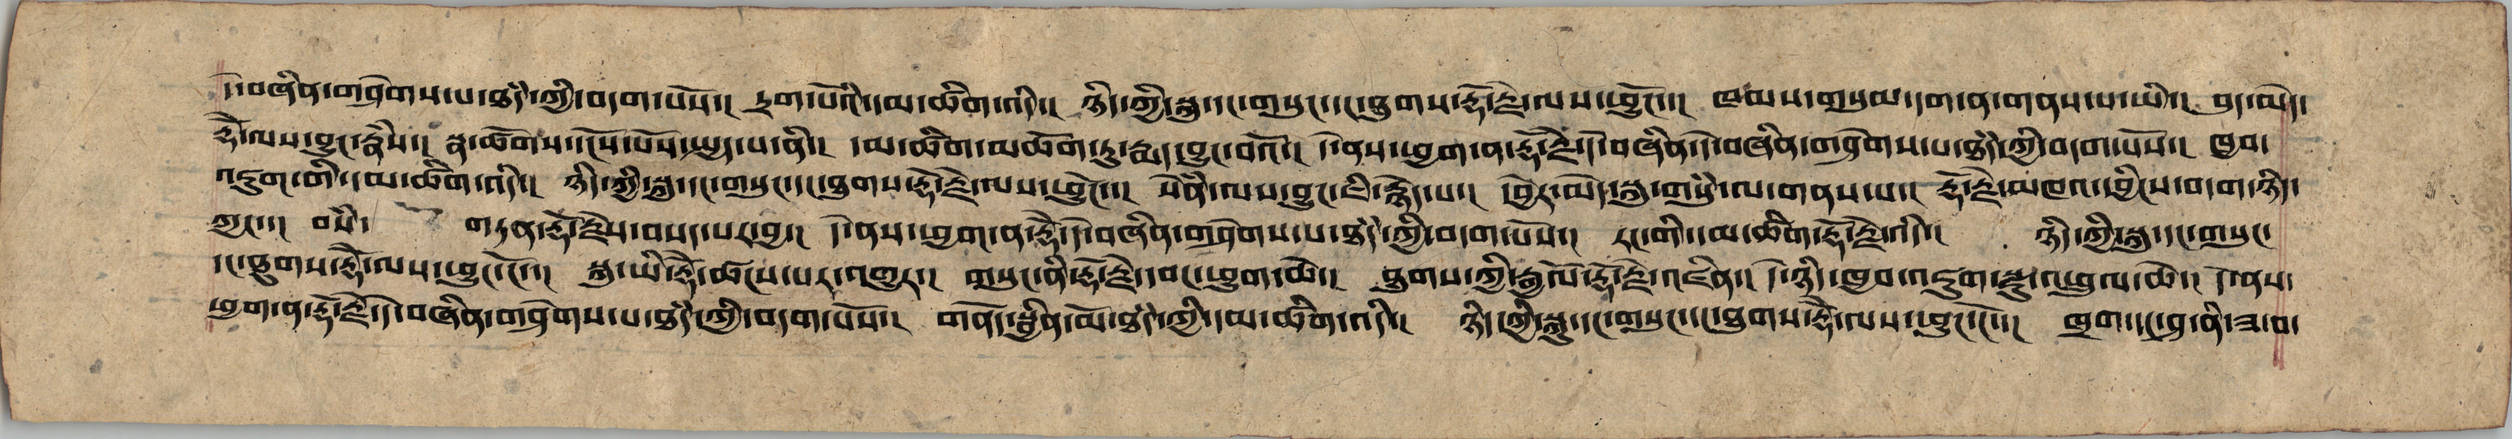དེ་བཞིན་གཤེགས་པ་ཐཾད་ཀྱི་བདག་པོས་། དྲག་པོའི་དམ་ཚིག་འདི་། ཉིད་ཀྱི་སྐུ་དང་གསུང་དང་ཐུགས་རྡོ་རྗེ་ལས་ཕྱུངོ་་། ཁམས་གསུམ་དག་ན་གནས་པ་ཡི་། བུད་མེད་
རྡོེ་ལས་བྱུང་རྣཾས་། སྣ་ཚོགས་དངོས་པོས་སྤྱད་པ་ནི་། དམ་ཚིག་མཆོག་ཏུ་རྨད་བྱུང་བའོ་། དེ་ནས་ཕྱག་ན་རྡོ་རྗེ་དེ་བཞིན་དེ་བཞིན་གཤེགས་པ་ཐཾད་ཀྱི་བདག་པོས་། ཁྱབ་
འཇུག་གི་དམ་ཚིག་འདི་། ཉིད་ཀྱི་སྐུ་དང་གསུང་དང་ཐུགས་རྡོ་རྗེ་ལས་ཕྱུངོ་་། སེཾན་ལས་བྱུང་ཇི་རྙེད་པ་། དབྱེར་མེད་སྐུ་གསུཾ་ལ་གནས་པ་། རྡོ་རྗེ་མཁའ་དབྱིངས་བདག་ཉིད་
ཀྱང་་། བསཾ་ གཏན་རྡོ་རྗེས་བསད་པར་བྱ་། དེ་ནས་ཕྱག་ན་རྡོེ་དེ་བཞིན་གཤེགས་པ་ཐཾད་ཀྱི་བདག་པོས་། རང་གི་དམ་ཚིག་རྡོ་རྗེ་འདི་། ཉིད་ཀྱི་སྐུ་དང་གསུང་
དང་ཐུགས་རྡོེ་ལས་བྱུང་ངོ་་། སྐུ་ཡི་རྡོེ་ཚངས་པར་འགྱུར་། གསུང་ནི་རྡོ་རྗེ་དབང་ཕྱུག་ཆེ་། ཐུགས་ཀྱི་རྒྱལོ་རྡོ་རྗེ་འཛིན་། དེ་ཉིད་ཁྱབ་འཇུག་སྫུ་འཕྲུལ་ཆེ་། དེ་ནས་
ཕྱག་ན་རྡོ་རྗེ་དེ་བཞིན་གཤེགས་པ་ཐཾད་ཀྱི་བདག་པོས་། གནོད་སྦྱིན་མོ་ཐཾད་ཀྱི་དམ་ཚིག་འདི་། ཉིད་ཀྱི་སྐུ་དང་གསུང་དང་ཐུགས་རྡོེ་ལས་ཕྱུང་ངོ་་། ཁྲག་དང་ཤ་ནི་ཟ་བ་